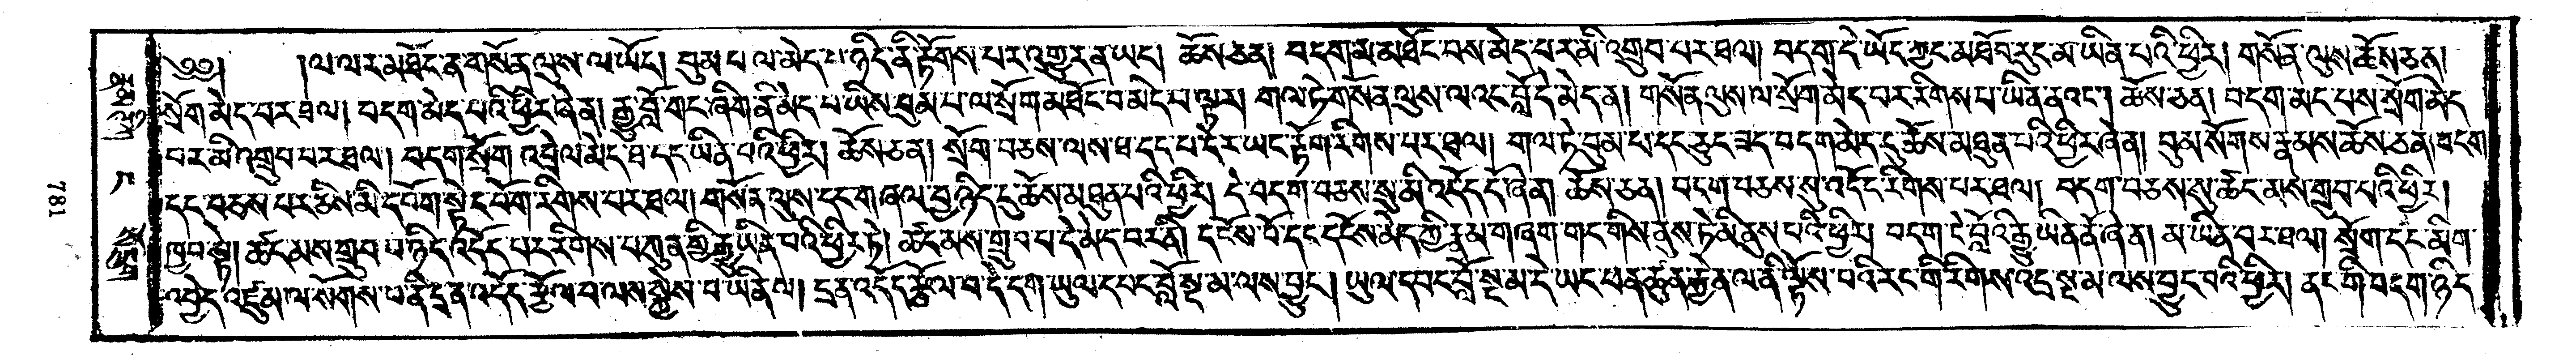༄༅། །ལ་ལར་མཐོང་ན་གསོན་ལུས་ལ་ཡོད། བུམ་པ་ལ་མེད་པ་ཉིད་ནི་རྟོགས་པར་འགྱུར་ན་ཡང་། ཆོས་ཅན། བདག་མ་མཐོང་བས་མེད་པར་མི་འགྲུབ་པར་ཐལ། བདག་དེ་ཡོང་ཀྱང་མཐོབ་རུང་མ་ཡིན་པའི་ཕྱིར། གསོན་ལུས་ཆོས་ཅན།
སྲོག་མེད་པར་ཐལ། བདག་མེད་པའི་ཕྱིར་ཞེ་ན། རྒྱུ་བློ་གང་ཞིག་ནི་མེད་པ་ཡིས་བུམ་པ་ལ་སྲོག་མཐོང་བ་མེད་པ་ལྟར། གལ་ཏེ་གསོན་ལུས་ལའང་བློ་དེ་མེད་ན། གསོན་ལུས་ལ་སྲོག་མེད་པར་རིགས་པ་ཡིན་ནའང་། ཆོས་ཅན། བདག་མང་པས་སྲོག་མེད་
བར་མི་འགྲུབ་པར་ཐལ། བདག་སྲོག་འབྲེལ་མེད་ཐ་དད་ཡིན་པའི་ཕྱིར། ཆོས་ཅན། སྲོག་བཅས་ལས་ཐ་དད་པ་དེར་ཡང་རྟོག་རིགས་པར་ཐལ། གལ་ཏེ་བུམ་པ་དང་ཅུང་ཟད་བདག་མེད་དུ་ཆོས་མཐུན་པའི་ཕྱིར་ཞེ་ན། བུམ་སོགས་རྣམས་ཆོས་ཅན། བདག་
དང་བཅས་པར་ཅིས་མི་དབོག་སྟེང་བོ་ག་རིགས་པར་ཐལ། གསོན་ལུས་དང་གཞལ་བྱ་ཉིད་དུ་ཆོས་མཐུན་པའི་ཕྱིར། དེ་བདག་བཅས་སུ་མི་འདོད་དོ་ཞེ་ན། ཆོས་ཅན། བདག་བཅས་སུ་འདོད་རིགས་པར་ཐལ། བདག་བཅས་སུ་ཚང་མས་གྲུབ་པའི་ཕྱིར།
ཁྱབ་སྟེ། ཚང་མས་གྲུབ་པ་ཉིད་འདོད་པར་རིགས་པ་ཀུན་གྱི་རྒྱུ་ཡིན་བའི་ཕྱིར་ཏེ། ཚད་མས་གྲུབ་པ་དེ་མེད་བར་ནི། དངོས་བོ་དང་དངོས་མེད་ཀྱི་རྣམ་གཞག་གང་གིས་ནུས་ཏེ་མི་ནུས་པའི་ཕྱིར། བདག་དེ་བློའི་རྒྱུ་ཡིན་ནོ་ཞེ་ན། མ་ཡིན་བར་ཐལ། སྲོག་དང་མིག་
འབྱེད་འཛུམ་ལ་སོགས་པ་ནི་དྲན་འདོད་རྩོལ་བ་ལས་སྐྱེས་བ་ཡིན་ལ། དྲན་འདོད་རྩོལ་བ་དེ་དག་ཡུལ་དབང་བློ་སྔ་མ་ལས་བྱུང་། ཡུལ་དབང་བློ་སྔ་མ་དེ་ཡང་ཕན་ཚུན་རྐྱེན་ལ་ནི་ལྟོས་བའི་རང་གི་རིགས་འདྲ་སྔ་མ་ལས་བྱུང་བའི་ཕྱིར། ནང་གི་བདག་ཉིད་